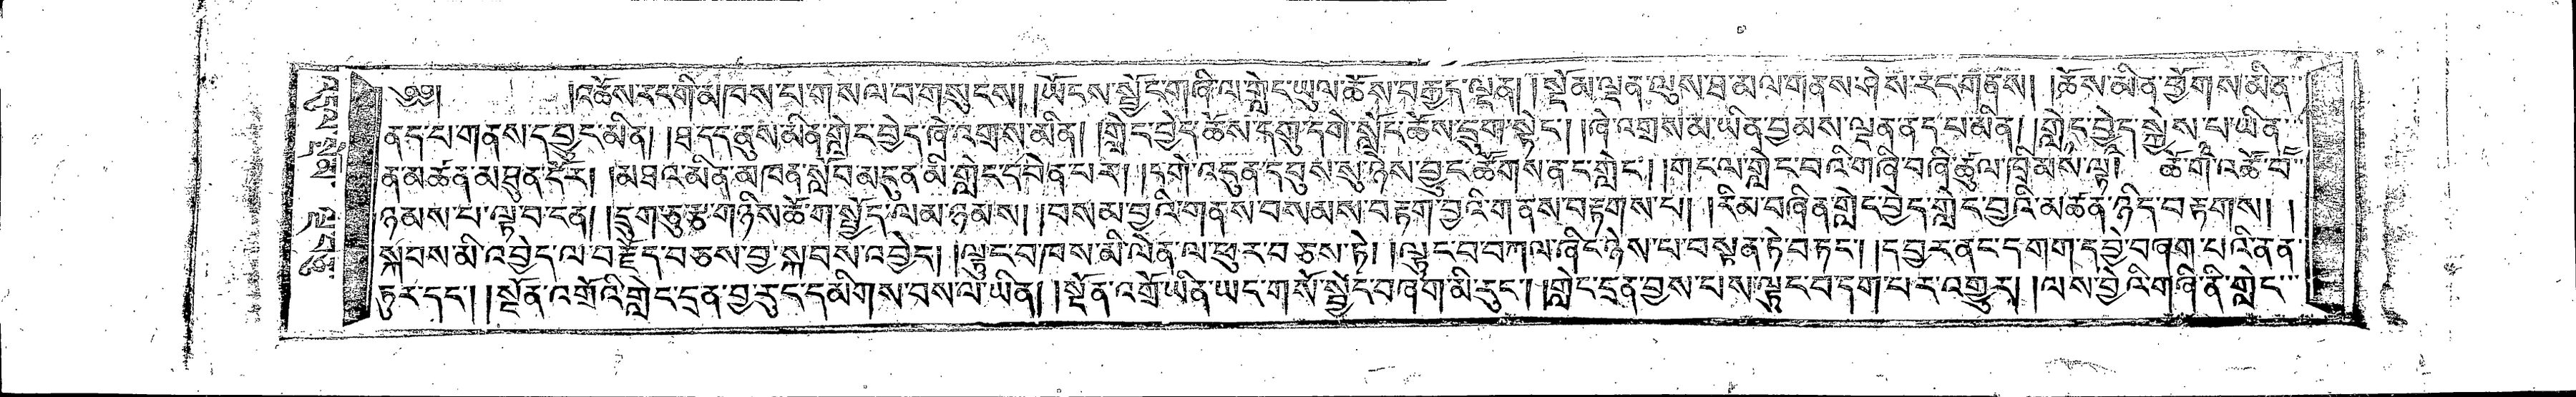༄༅། །འཆོས་རང་གི་མཁས་པ་གསལ་བ་གསུངས། །ཡོངས་སྦྱོང་གཞི་ལ་གླེང་ཡུལ་ཆོས་བརྒྱད་ལྡན། །སྡོམ་ལྡན་ལུས་ཐ་མལ་གནས་ཤེས་རང་གནས། །ཆོས་མིན་ཕྱོགས་མིན་
ནད་པ་གནས་དབྱུང་མིན། །ཐ་དད་ནུས་མིན་གླེང་བྱེད་ཞེ་འགྲས་མིན། །གླེང་བྱེད་ཆོས་དགུ་དགེ་སློང་ཆོས་དྲུག་སྟེང་། །ཞེ་འགྲས་མ་ཡིན་བྱམས་ལྡན་ནད་པ་མིན། །གླེང་བྱེད་སྐྱེས་པ་ཡིན་
ན་མཚན་མཐུན་དོར། །མཐའ་མིན་མཁན་སློབ་མདུན་མི་གླེང་དབེན་པར། །དགེ་འདུན་དབུས་སུ་ཉེས་བྱུང་ཚོགས་ནང་གླེང་། །གང་ལ་གླེང་བའི་གཞི་བཞི་ཚུལ་ཁྲིམས ༡་ལྟ ༢་། །ཆོ་ག ༣་འཚོ་བ ༤
ཉམས་པ་ལྟ་བ་ངན། །དྲུག་ཅུ་རྩ་གཉིས་ཆོ་ག་སྤྱོད་ལམ་ཉམས། །བསམ་བྱའི་གནས་བསམས་བརྟག་བྱའི་གནས་བརྟགས་པ། །རིམ་བཞིན་གླེང་བྱེད་གླེང་བྱའི་མཚན་ཉིད་བརྟགས། །
སྐབས་མི་འབྱེད་ལ་བརྗོད་བཅས་བྱ་སྐབས་འབྱེད། །ལྟུང་བ་ཁས་མི་ལེན་ལ་ཕུར་བཅས་ཏེ། །ལྟུང་བ་བཀལ་ཞིང་ཉེས་པ་བསྟན་ཏེ་བཏང་། །དབྱར་ནང་དགག་དབྱེ་བཞག་པའི་ནན་
ཏུར་དང་། །སྔོན་འགྲོའི་གླེང་དྲན་བྱ་རུང་དམིགས་བས་ལ་ཡིན། །སྔོན་འགྲོ་ཡིན་ཡང་གསོ་སྦྱོང་བཞག་མི་རུང་། །གླེང་དྲན་བྱས་པས་ལྟུང་བ་དག་པར་འགྱུར། །ལས་བྱེའི་གཞི་ནི་གླེང་